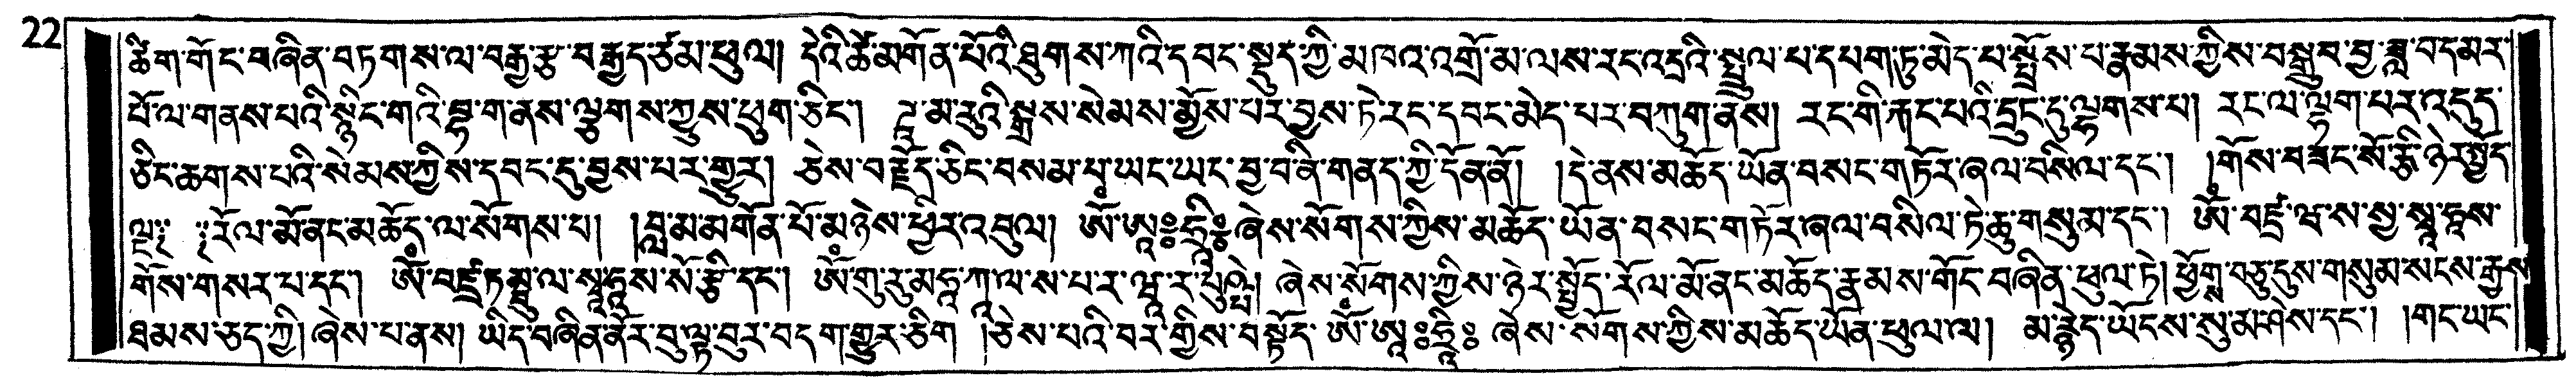ཚིག་གོང་བཞིན་བཏགས་ལ་བརྒྱ་རྩ་བརྒྱད་ཙམ་ཕུལ། དེའི་ཚེ་མགོན་པོའི་ཐུགས་ཀའི་དབང་སྡུད་ཀྱི་མཁའ་འགྲོ་མ་ལས་རང་འདྲའི་སྤྲུལ་པ་དཔག་ཏུ་མེད་པ་སྤྲོས་པ་རྣམས་ཀྱིས་བསྒྲུབ་བྱ་ཟླ་བ་དམར་
པོ་ལ་གནས་པའི་སྙིང་གའི་བྷ་ག་ནས་ལྕགས་ཀྱུས་ཕུག་ཅིང་། ཌཱ་མ་རུའི་སྒྲས་སེམས་མྱོས་པར་བྱས་ཏེ་རང་དབང་མེད་པར་བཀུག་ནས། རང་གི་རྐང་པའི་དྲུང་དུ་ལྷགས་པ། རང་ལ་ལྷག་པར་འདུད་
ཅིང་ཆགས་པའི་སེམས་ཀྱིས་དབང་དུ་བྱས་པར་གྱུར། ཅེས་བརྗོད་ཅིང་བསམ་པ་ཡང་ཡང་བྱ་བ་ནི་གནད་ཀྱི་དོན་ནོ། །དེ་ནས་མཆོད་ཡོན་བསང་གཏོར་ཞལ་བསིལ་དང་། །གོས་བཟང་སོ་རྩི་ཉེར་སྤྱོད་
ལྔ༑ ༑རོལ་མོ་ནང་མཆོད་ལ་སོགས་པ། །བླ་མ་མགོན་པོ་མཉེས་ཕྱིར་འབུལ། ཨོཾ་ཨཱཿ ཧྲཱིཿ ཞེས་སོགས་ཀྱིས་མཆོད་ཡོན་བསང་གཏོར་ཞལ་བསིལ་ཏེ་ཆུ་གསུམ་དང་། ཨོཾ་བྫྲ་ཝ་ས་སྱ་སྭཱ་ཧཱས་
གོས་གསར་པ་དང་། ཨོཾ་བྫྲ་ཏམྦུ་ལ་སྭཱ་ཧཱས་སོ་རྩི་དང་། ཨོཾ་གུ་རུ་མཧཱ་ཀཱ་ལ་ས་པ་ར་ཝཱ་ར་པུཥཔེ། ཞེས་སོགས་ཀྱིས་ཉེར་སྤྱོད་རོལ་མོ་ནང་མཆོད་རྣམས་གོང་བཞིན་ཕུལ་ཏེ། ཕྱོགས་བཅུ་དུས་གསུམ་སངས་རྒྱས་
ཐམས་ཅད་ཀྱི། ཞེས་པ་ནས། ཡིད་བཞིན་ནོར་བུ་ལྟ་བུར་བདག་གྱུར་ཅིག །ཅེས་པའི་བར་གྱིས་བསྟོད་ཨོཾ་ཨཱཿ ཧྲཱིཿ ཞེས་སོགས་ཀྱིས་མཆོད་ཡོན་ཕུལ་ལ། མ་རྙེད་ཡོངས་སུ་མ་ཤེས་དང་། །གང་ཡང་